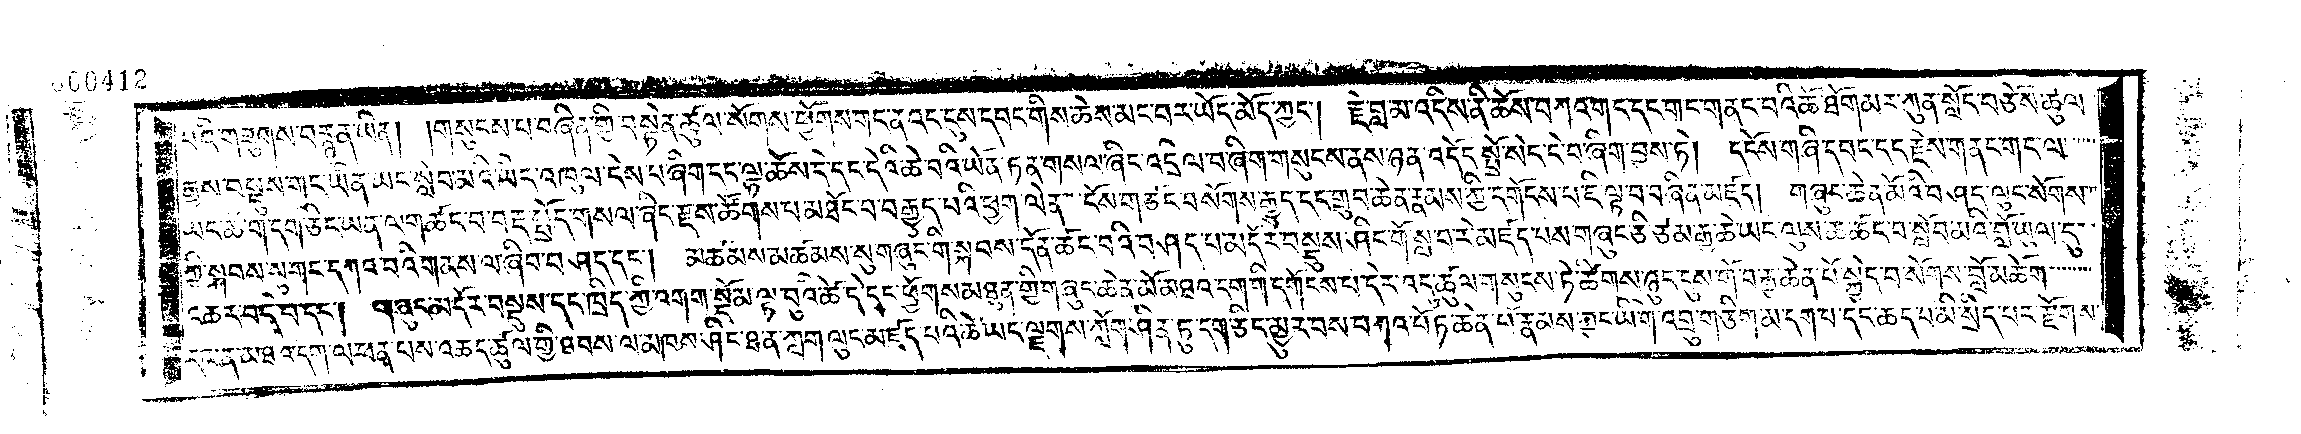པའི་གཟུགས་བརྙན་ཡིན། །གསུངས་པ་བཞིན་གྱི་བསྟེན་ཚུལ་སོགས་ཕྱོགས་གང་ནའང་དུས་དབང་གིས་ཆེས་མང་བར་ཡོད་མོད་ཀྱང་། རྗེ་བླ་མ་འདིས་ནི་ཆོས་བཀའ་གང་དང་གང་གནང་བའི་ཚེ་ཐོག་མར་ཀུན་སློང་བཅོས་ཚུལ་
རྒྱས་བསྡུས་གང་ཡིན་ཡང་སློབ་མའི་ཡིད་འཁུལ་ངེས་བ་ཞིག་དང་ལྷ་ཆོས་དེ་དང་དེའི་ཆེ་བའི་ཡོན་ཏན་གསལ་ཞིང་འདྲི་ལ་བ་ཞིག་གསུངས་ནས་ཉན་འདོད་སྤྲོ་སེང་ངེ་བ་ཞིག་བྱས་ཏེ། དངོས་གཞི་དབང་དང་རྗེས་གནང་གང་ལ་
ཡང་ཆོག་དག་ཅིང་ཡན་ལག་ཚང་བ་བརྡ་སྤྲོད་གསལ་ཞིང་རྫས་ཚོགས་ཕ་མཐོང་བ་བརྒྱུད་པའི་ཕྱག་ལེན་ངོས་གཙང་བ་སོགས་རྒྱུད་དང་གྲུབ་ཆེན་རྣམས་ཀྱི་དགོངས་པ་ཇི་ལྟ་བ་བཞིན་མཛད། གཞུང་ཆེན་མོའི་བཤད་ལུང་སོགས་
ཀྱི་སྐབས་སུ་གང་དཀའ་བའི་གནས་ལ་ཞི་བ་བཤད་དང་། མཚམས་མཚམས་སུ་གཞུང་གི་སྐབས་དོན་ཚང་བའི་བཤད་པ་མདོར་བསྡུས་ཤིང་གོ་སླ་བ་རེ་མཛད་པས་གཞུང་ཅི་ཙམ་རྒྱ་ཆེ་ཡང་ལུས་ཆ་ཚང་བ་སློབ་མའི་བློ་ཡུལ་དུ་
འཆར་བདེ་བ་དང་། གཞུང་མདོར་བསྡུས་དང་ཁྲིད་ཀྱི་འགག་སྡོམ་ལྟ་བུའི་ཚེ་དེ་དང་ཕྱོགས་མཐུན་གྱི་གཞུང་ཆེན་མོ་མཐའ་དག་གི་དགོངས་པ་དེར་འདུ་ཚུལ་གསུངས་ཏེ་ཚིགས་ཉུང་དུས་གོ་བ་རྒྱ་ཆེན་པོ་སྐྱེད་པ་སོགས་བློ་མཆོག་
དམན་མཐའ་དག་ལ་ཕན་པ་འཆད་ཚུལ་གྱི་ཐབས་ལ་མཁས་ཤིང་ཐ་ན་ཀླག་ལུང་མཛད་པའི་ཚེ་ཡང་ལྗགས་ཀློག་ཤིན་ཏུ་དག་ཅིང་མྱུར་བས་བཀའ་པོ་ཏ་ཆེན་པོ་རྣམས་ཀྱང་ཡི་གེ་འབྲུ་གཅིག་མ་དག་པ་དང་ཆད་པ་མི་སྲིད་པར་རྫོགས་